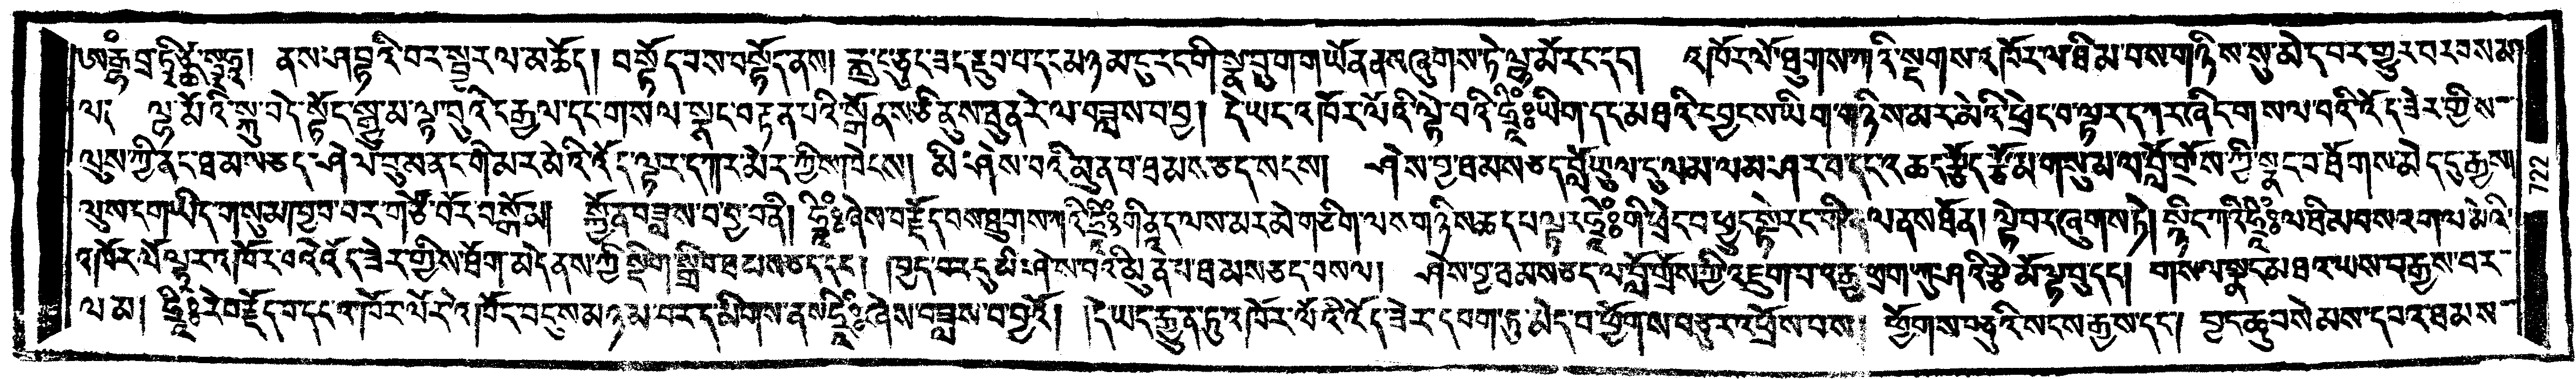ཨརྒྷཾ་བྲ་ཏཱི་རྩ་སྭཱཧཱ། ནས་ཤ་བཏའི་བར་སྦྱར་ལ་མཆོད། བསྟོད་བས་བསྟོད་ནས། རླུང་ཆུང་ཟད་རྡུབ་པ་དང་མཉམ་དུ་རང་གི་སྣ་བུ་ག་གཡོན་ནས་ཞུགས་ཏེ་ལྷ་མོ་རང་དང་། འཁོར་ལོ་ཐུགས་གའི་སྔགས་འཁོར་ལ་ཐིམ་བས་གཉིས་སུ་མེད་བར་གྱུར་བར་བསམ་
ལ༑ ལྷ་མོའི་སྐུ་བདེ་སྟོང་སྒྱུ་མ་ལྟ་བུའི་བརྒྱལ་དང་གསལ་སྣང་བརྟན་པའི་སྒོ་ནས་ཅི་ནུས་ཊུན་རེ་ལ་བཟླས་བ་བྱ། དེ་ཡང་འཁོར་ལོའི་ལྟེ་བའི་ཧྲཱིཿ ཡིག་དང་མཐའི་དབྱངས་ཡིག་གཉིས་མར་མེའི་ཕྲེང་བ་ལྟར་དཀར་ཞིང་གསལ་བའི་འོད་ཟེར་གྱིས་
ལུས་ཀྱི་རང་ཐམས་ཅད་ཤེལ་བུམ་ནང་གི་མར་མེའི་འོད་ལྟར་དཀར་མེད་གྱིས་ཁེངས། མི་ཤེས་བའི་མུན་བ་ཐམས་ཅད་སངས། ཤེས་བྱ་ཐམས་ཅད་བློ་ཡུལ་དུ་ལམ་ལམ་ཤར་བ་དང་འཆད་རྩོད་རྩོམ་གསུམ་ལ་བློ་གྲོས་ཀྱི་སྣང་བ་ཐོགས་མེད་དུ་རྒྱས་
ལུས་ངག་ཡིད་གསུམ་ཁྱབ་བར་གཙོ་བོར་བསྒོམ། སྐྱོན་བཟླས་བ་བྱ་བ་ནི། ཧྲཱིཿ ཞེས་བརྗོད་བས་ཐུགས་ཀའི་ཏྲཱིཿ གི་ནཱ་ད་ལས་མར་མེ་གཅིག་ལས་གཉིས་ཆད་པ་ལྟར་ཧྲཱིཿ གི་ཕྲེང་བ་ཕྱུང་སྟེ་རང་གི་ཞལ་ནས་ཐོན། ལྟེ་བར་ཞུགས་ཏེ། སྙིང་ཀའི་ཧྲཱིཿ ལ་ཐིམ་བས་འགལ་མེའི་
འཁོར་ལོ་ལྟར་འཁོར་བའི་འོད་ཟེར་གྱིས་ཐོག་མེད་ནས་ཀྱི་སྡིག་སྒྲིབ་ཐམས་ཅད་དང་། །ཁྱད་པར་དུ་མི་ཤེས་པའི་མུན་པ་ཐམས་ཅད་བསལ། ཤེས་བྱ་ཐམས་ཅད་ལ་བློ་གྲོས་ཀྱི་འཇུག་བ་འྲྒྱ་ཕྲག་ཀུ་ཤའི་རྩེ་མོ་ལྟ་བུ་དང་། གསལ་སྣད་མཐའ་ཡས་བརྒྱས་བར་
ལ་མ། ཧྲཱིཿ རེ་བརྗོད་བ་དང་འཁོར་ལོ་དེ་འཁོད་འདུས་མཉམ་?་དམིགས་ནས་ཧྲཱི་ཉི་ཞེས་བཟླས་བ་བྱའོ། །དེ་ཡང་རྒྱུན་ཏུ་འཁོར་ལོའི་འོད་ཟེར་དཔག་ཏུ་མེད་པ་ཕྱོད་པ་བརྩར་འཕྲོས་པས། ཕྱོགས་བཅུའི་སངས་རྒྱས་དང་། བྱང་ཆུབ་སེམས་དཔའ་ཐམས་